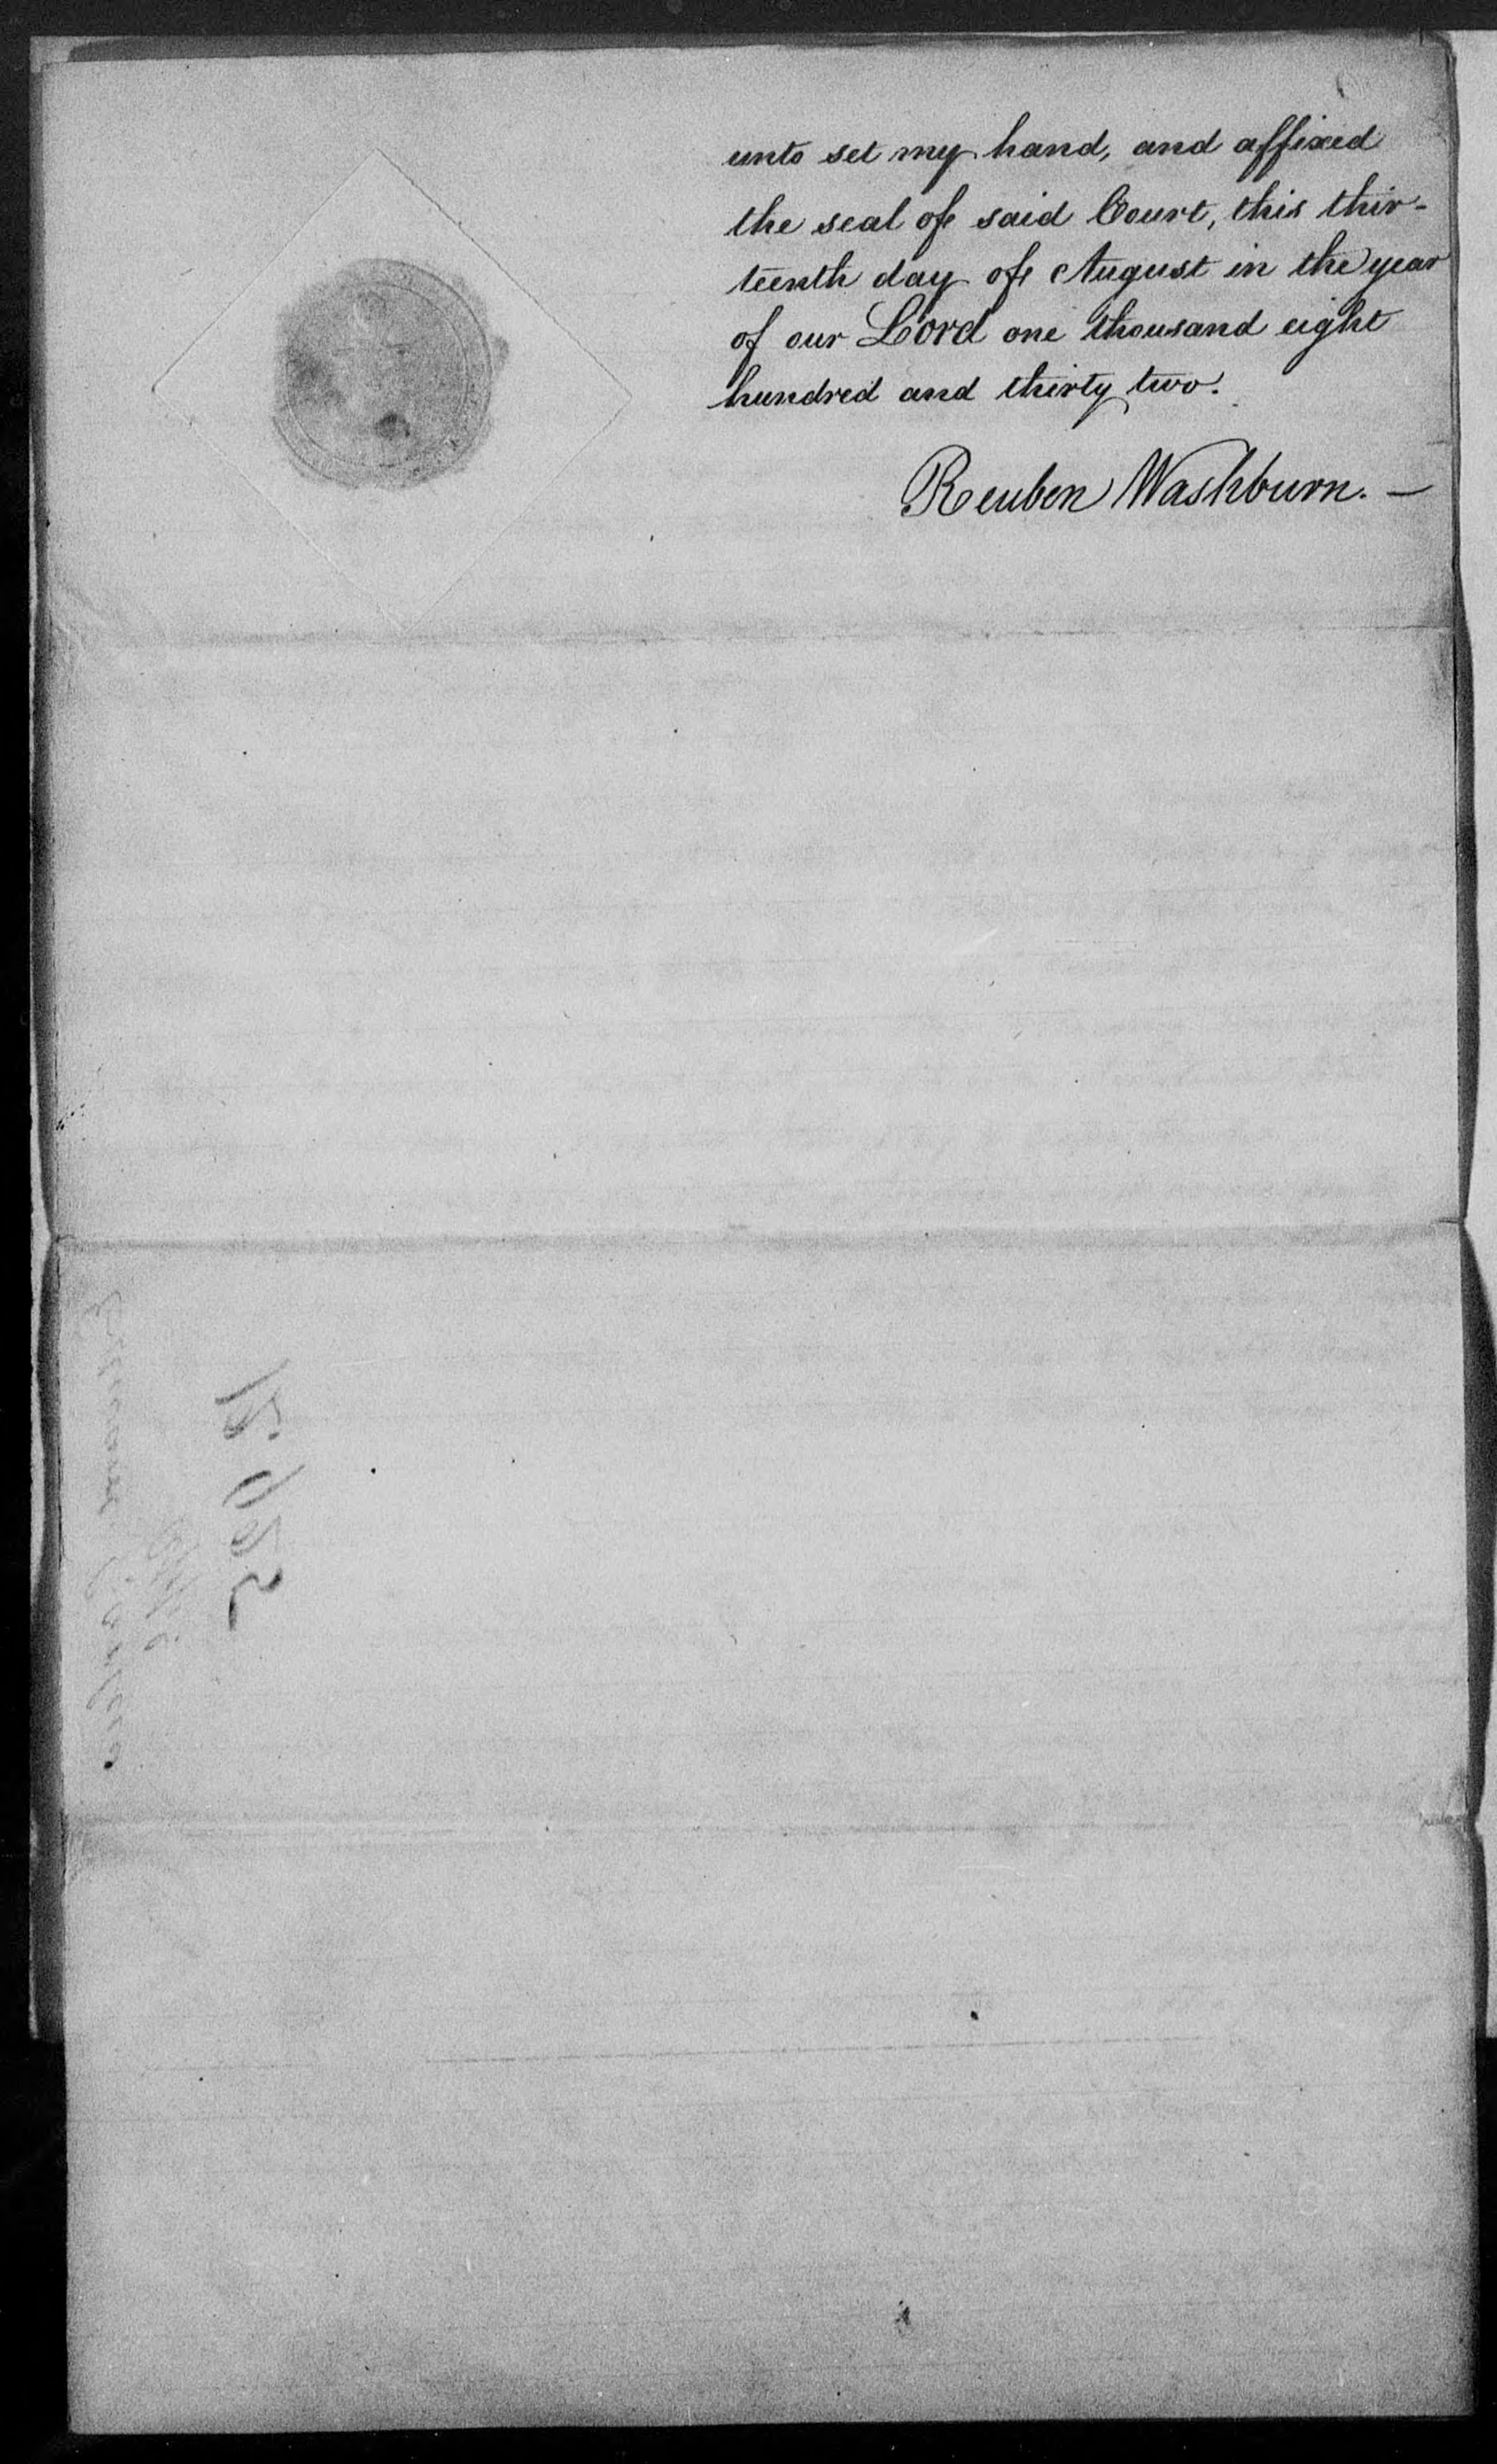unto set my hand, and affixed the seal of said Court, this thirteenth day of August in the year of our Lord one thousand eight hundred and thirty two.
[court seal affixed]
/s/Reuben Washburn. -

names: Reuben Washburn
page: 6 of 18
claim: survivor's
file: S. 21,702, Edward Corlew, Vt.